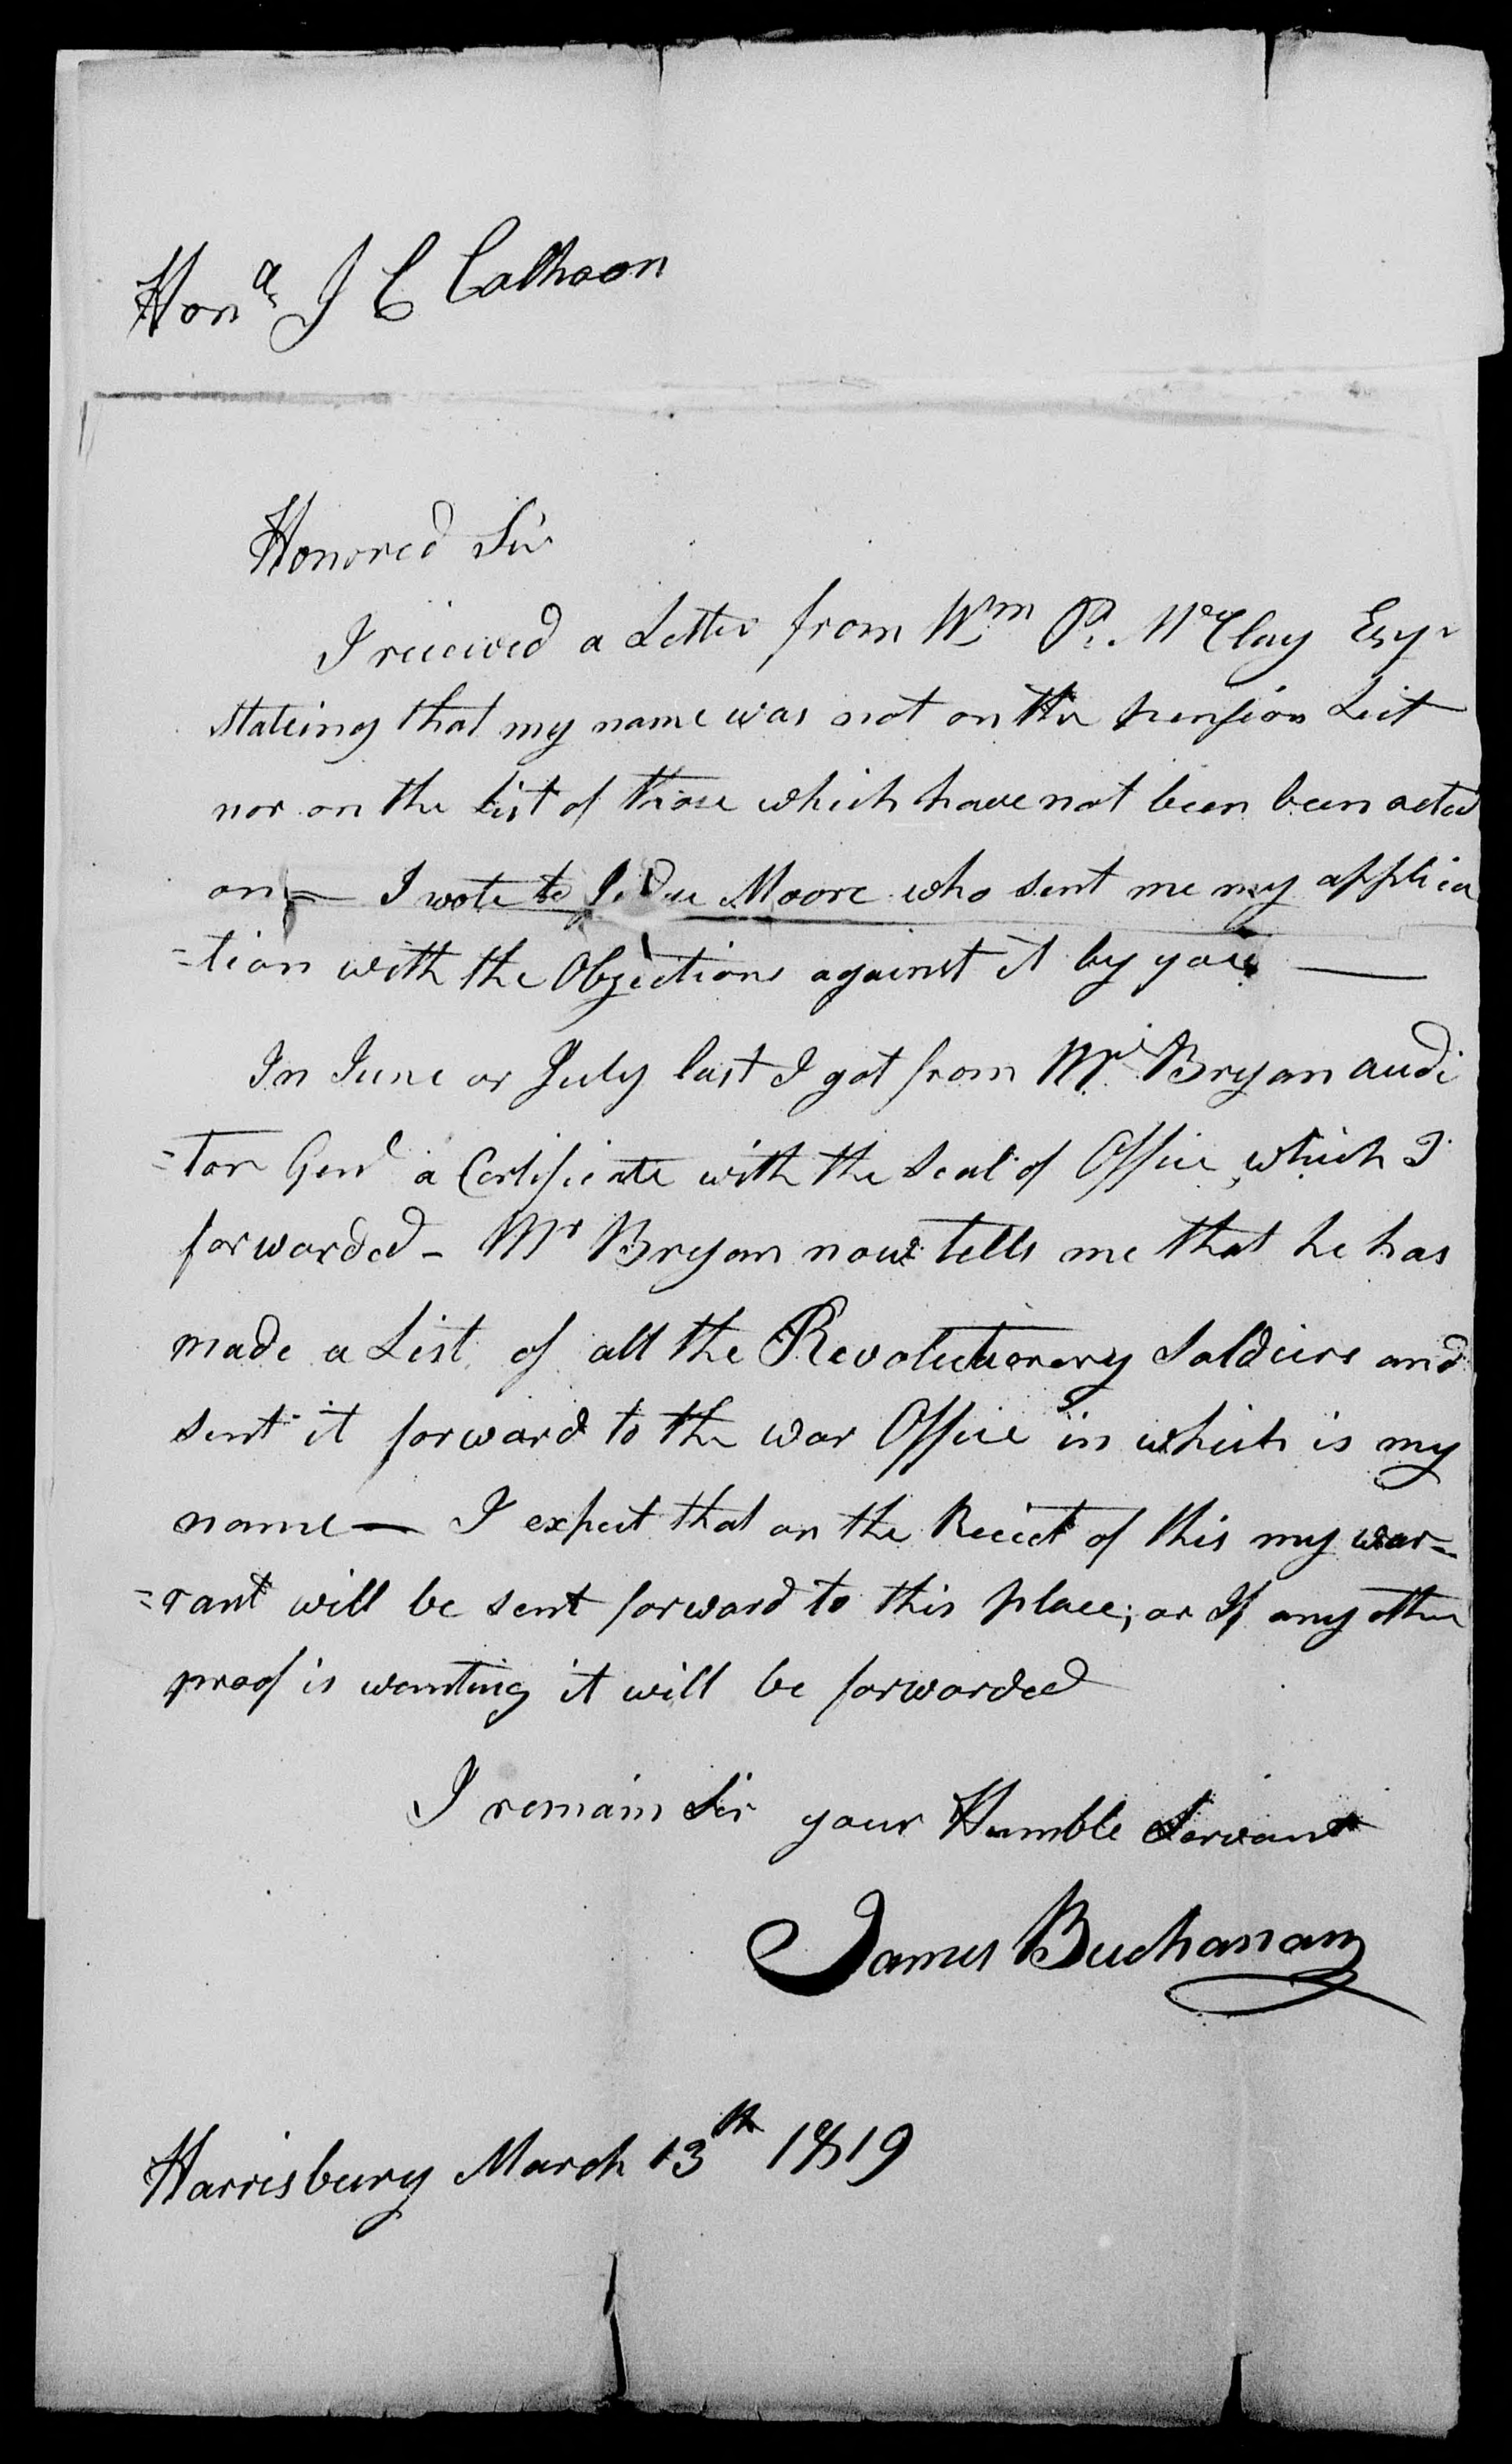Hon
J C Calhoon
Honored Sir
I received a Letter from Wm P. McClay Esqr
stating that my name was not on the pension List
nor on the list of those which have not been been acted
on. I wat to J Moore who sent me my application with the objection against it by you
-
.
In June or July last I got from Mr Bryan and
Tom Genl a certificate with the seal of Office which I
forwarded. Mr Bryan now tells me that he has
made a list of all the Revolutionary Soldiers and ┃
sent it forward to the war Office in which is my
name. I expect that on the Recent of this my war
grant will be sent forward to this place; or of any other ┃
proof is wanting it will be forwarded
I remain Sir
your Humble Servant
James Buchanan
Harrisburg March 13th 1819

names: James Buchanan, Jesse Moore, Bryan, Wm P Mc Clay, Bryan, J C Calhoon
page: 13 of 15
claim: survivor's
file: S. 40,765, James Buchanan, Pa.